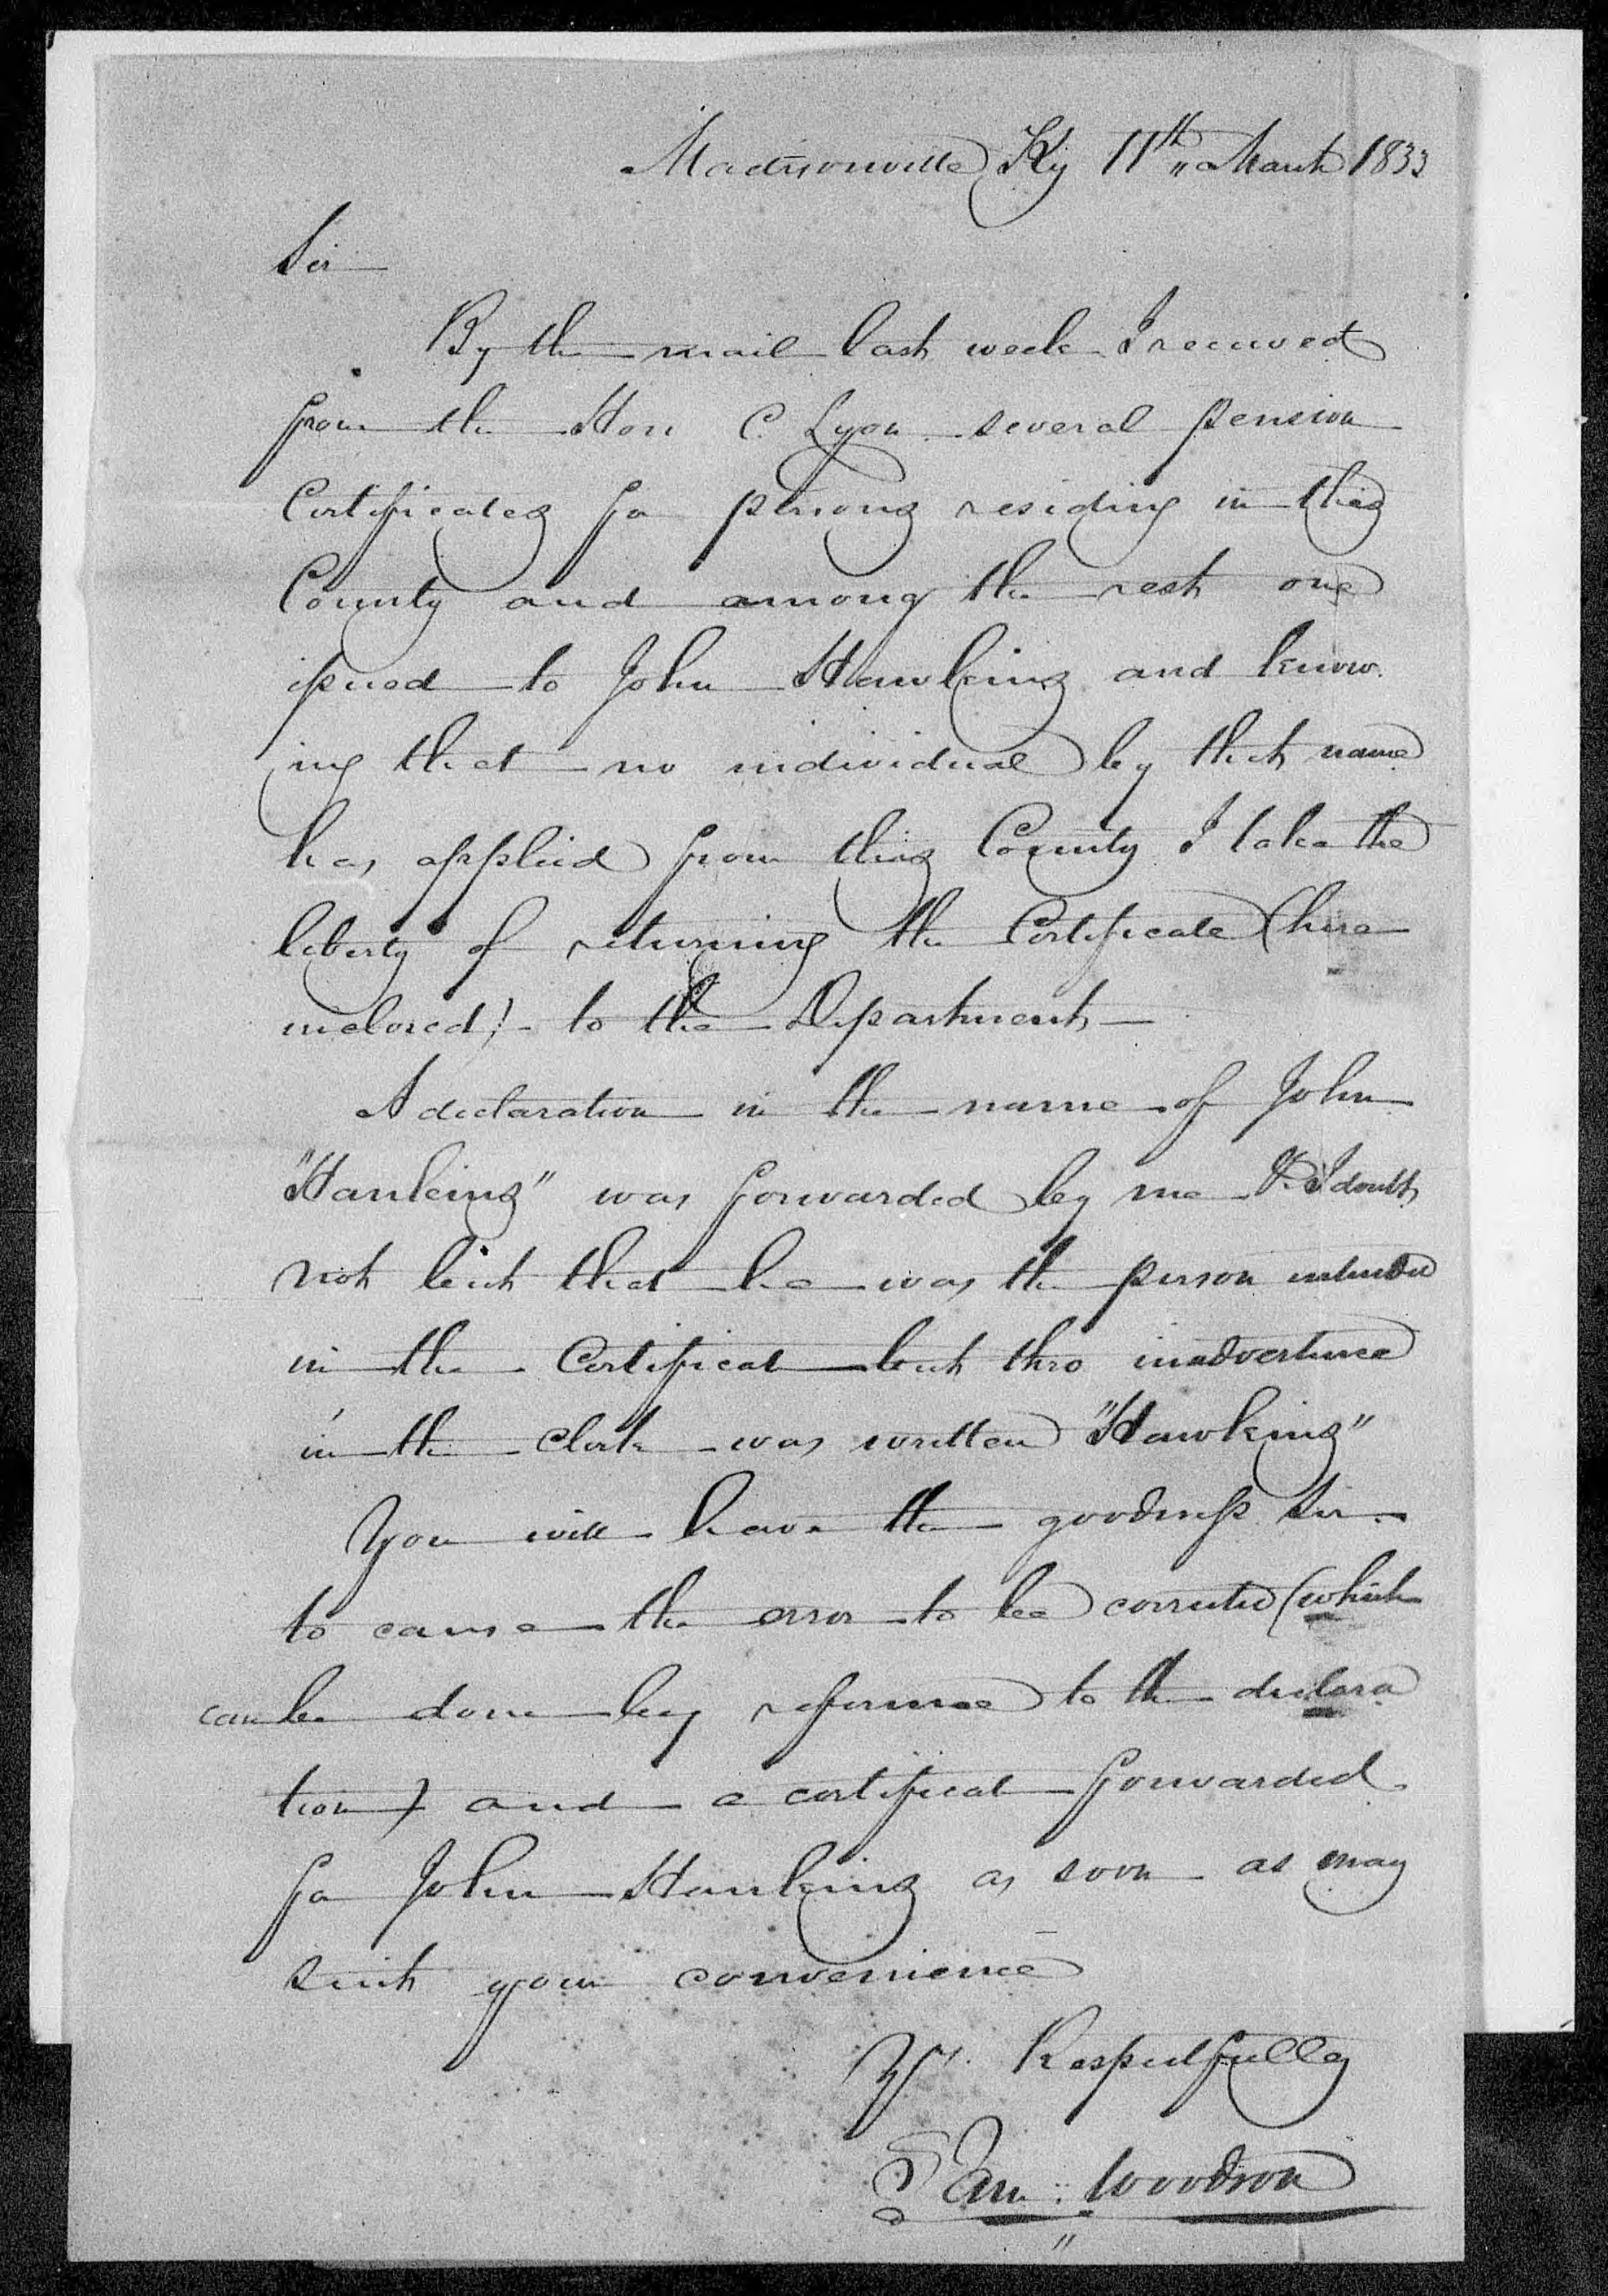Martinsville Ky 11th March 1832

Sir
By the mail last week I received from the Hon. C. Lyon several pension Certificates for persons  residing in this County and among the rest one issued to John Hankins and reviewing that no individual by that name has applied from this County. I take the liberty of returning the Certificate (here enclosed) to the Department - 

A declaration in  the name of John "Hankins" was forwarded by me & I doubt not [illegible] that he was the person included in the Certificate - but thro inadvertence in the clerk was written "Hawkins."

You will have the goodness Sir to cause the error to be corrected (which can be done by reference to the declaration) and a certificate forwarded for John Hanking as soon as may such your convenience

V Respectfully 
Sam Woodson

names: Hawkins, John Hankins, Sam Woodson, John Hankins, C Lyon, John Hawkins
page: 14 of 19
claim: survivor's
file: S. 16404, John Hankins, Va.